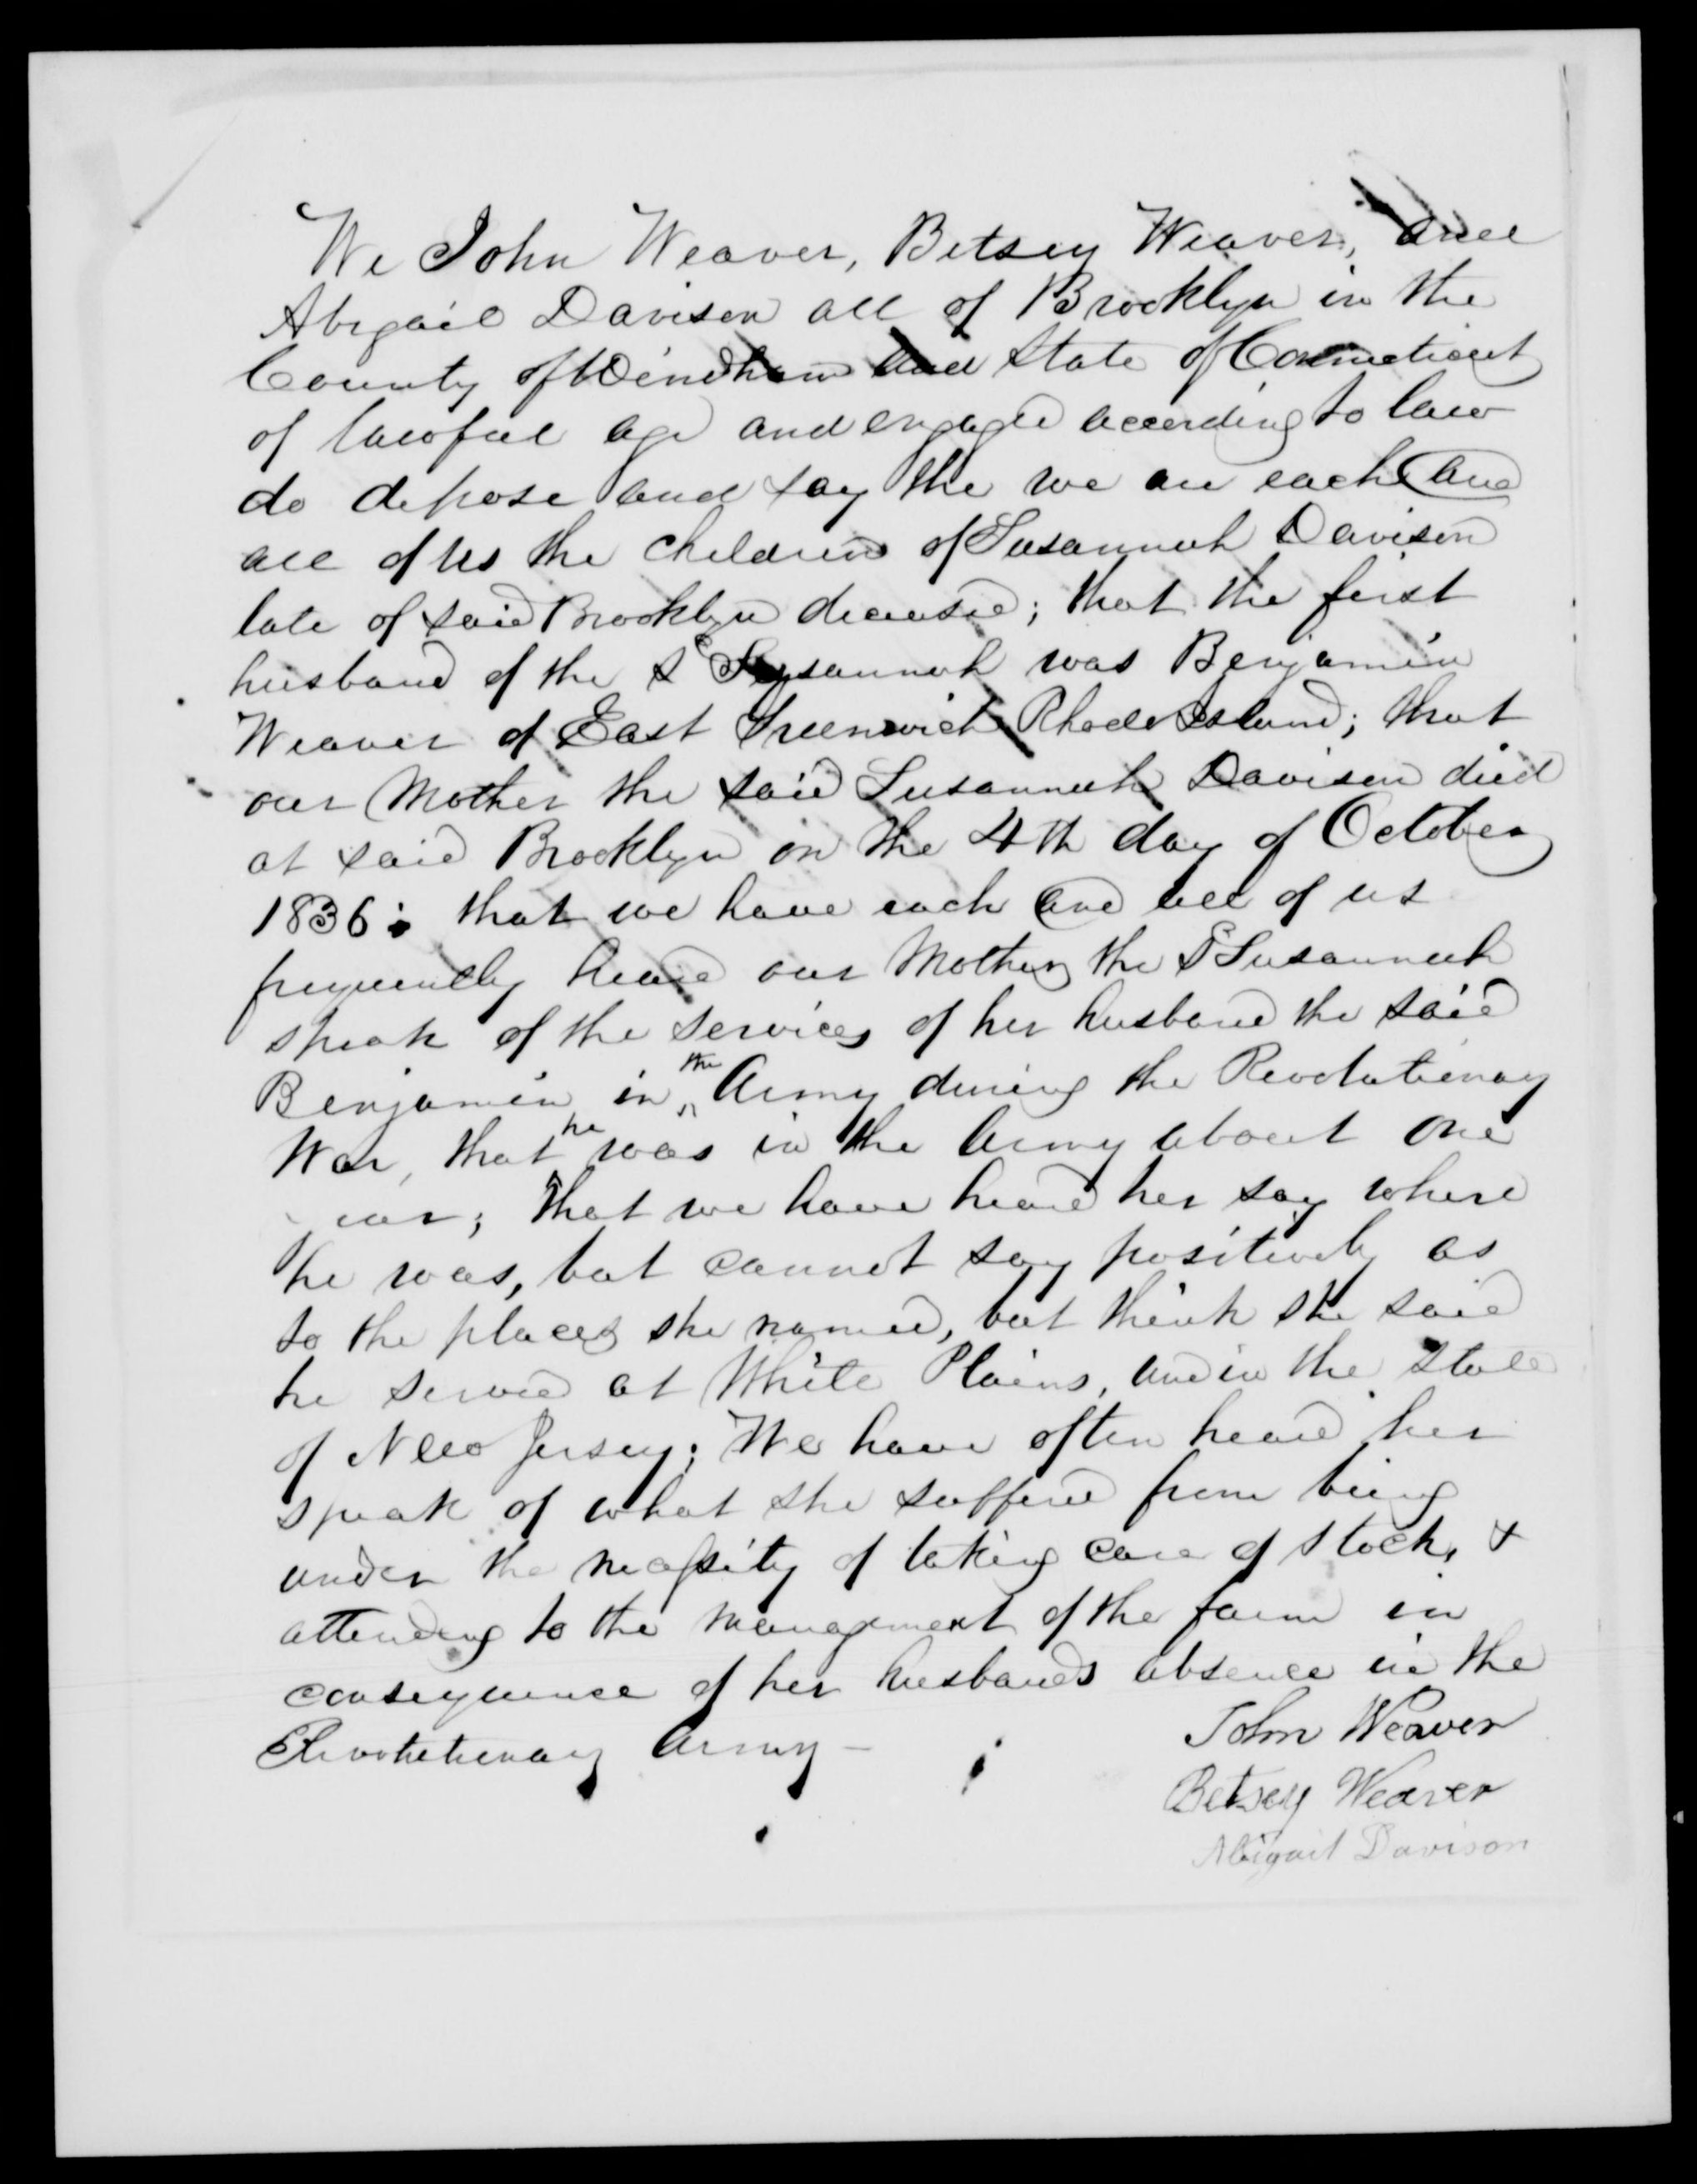We John Weaver, Betsey Weaver, and Abigail Davison all of Brooklyn in the County of Windham and State of Connecticut of lawful age and engaged according to law do depose and say the we are each and all of the children of Susannah Davison late of said Brooklyn deceased; that the first husband of the  Susannah was Benjamin Weaver of East Greenwich Rhode; that our Mother the said Susannah Davison died at said Brooklyn on the 4th day of October 1836: that we have each and all of us frequently heard our Mother the Susannah speak of the services of her husband the said Benjamin in the Army during the Revolutionary War, that he was in the Army about one year; that we have heard her say where he was, but cannot say positively as to the places she named, but think she said he served at White Plains, and in the State of New Jersey; We have often heard her speak of what she suffered from being under the necessity of taking care of stock & attending to the management of  the farm in consequence of her husband absence in the Revolutionary Army-

John Weaver
Betsey Weaver 
Abigail Davison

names: Susannah Davison, Benjamin Weaver, John Weaver, Betsey Weaver, Abigail Davison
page: 6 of 53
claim: widow's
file: W 17707, Benjamin Weaver, R.I.